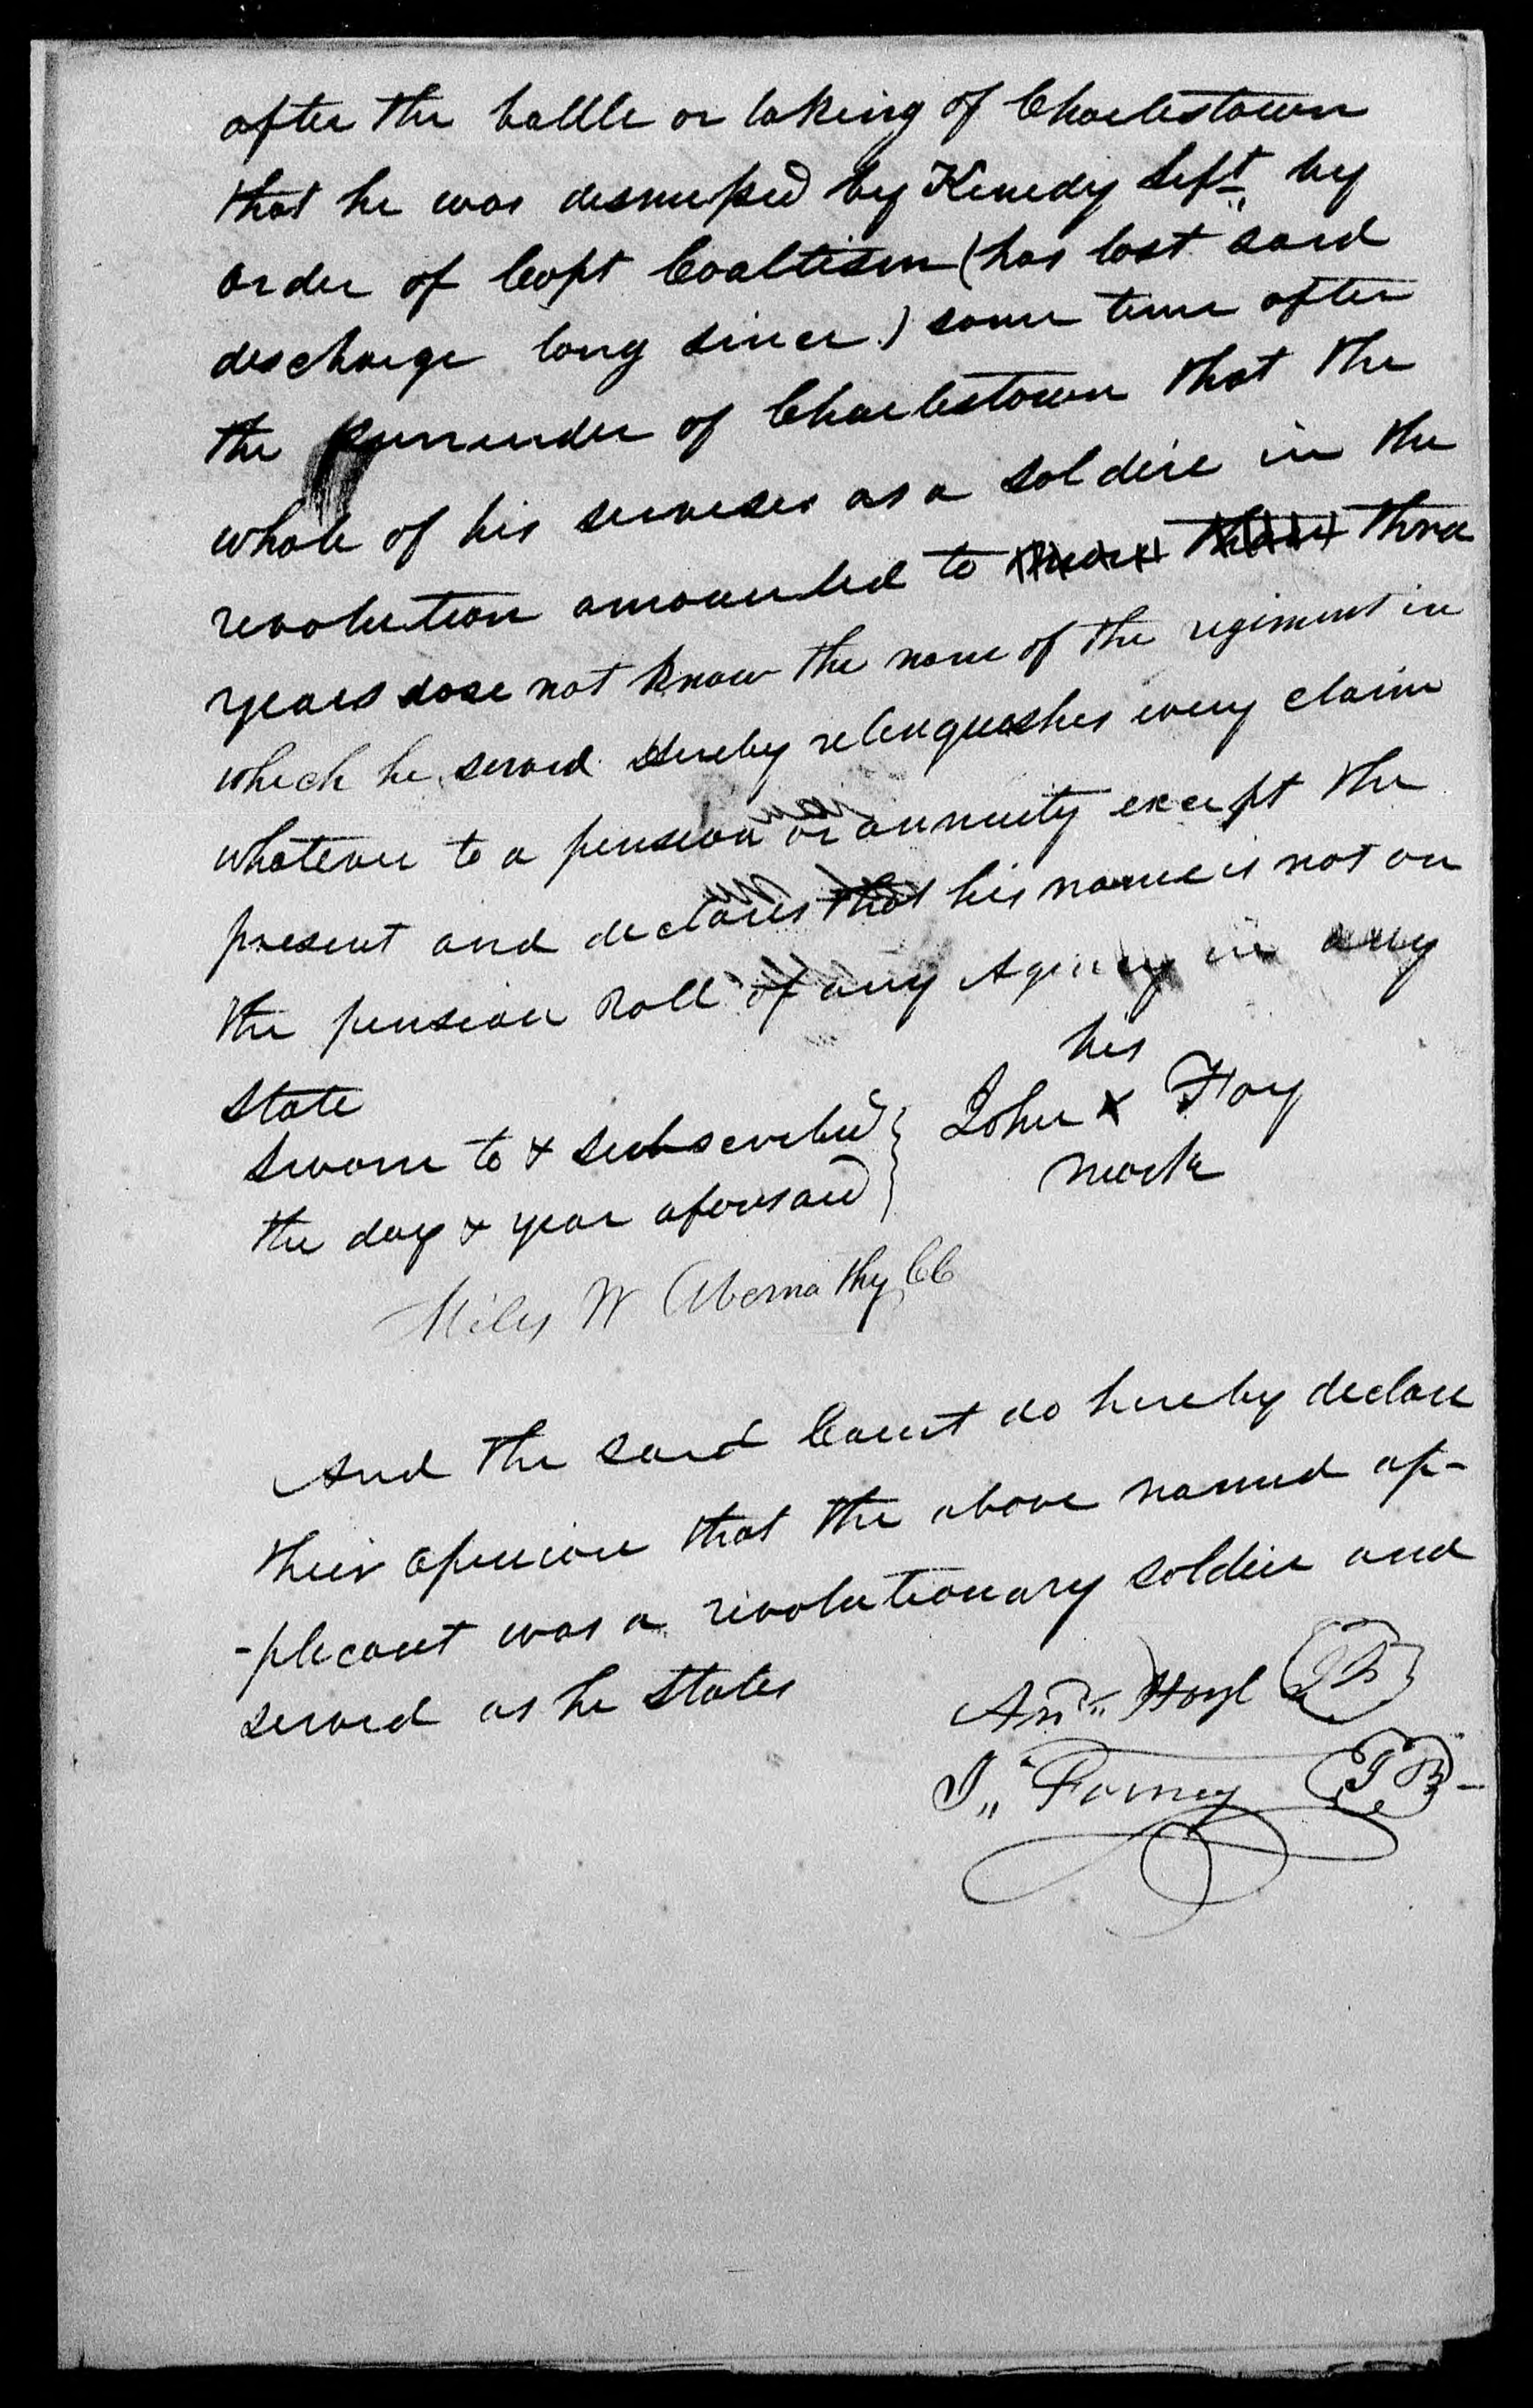after the battle or taking of Charlestown that he was dismißed [sharp s--double s] by Kenedy Left by order of Capt Coaltison [sic] has lost said discharge long since) some time after the surrender of Charlestown that the whole of his service as a Soldire [sic] in the revolution amounted to [crossed out] more than [crossed out] three years dose [sic] not know the name of the regiment in which he served Hereby relinquishes every claim whatever to a pension or annuity except the present and declares that his name is not on the pension roll of any Agency in any State
Sworn to + subscribed                  his 
the day + year aforesaid           John X Foy
                                                      mark
Miles W Abernathy CC

And the said Court do hereby declare their opinion that the above named applicant was a revolutionary soldier and served as the states

[Illegible] Hoyt {JB}
Jn Farney {JB}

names: John Foy, J Forney, Andw Hoyl, Coaltisen, Miles W Abernathy, Kenedy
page: 4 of 11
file: R., John Foy, New Jersey